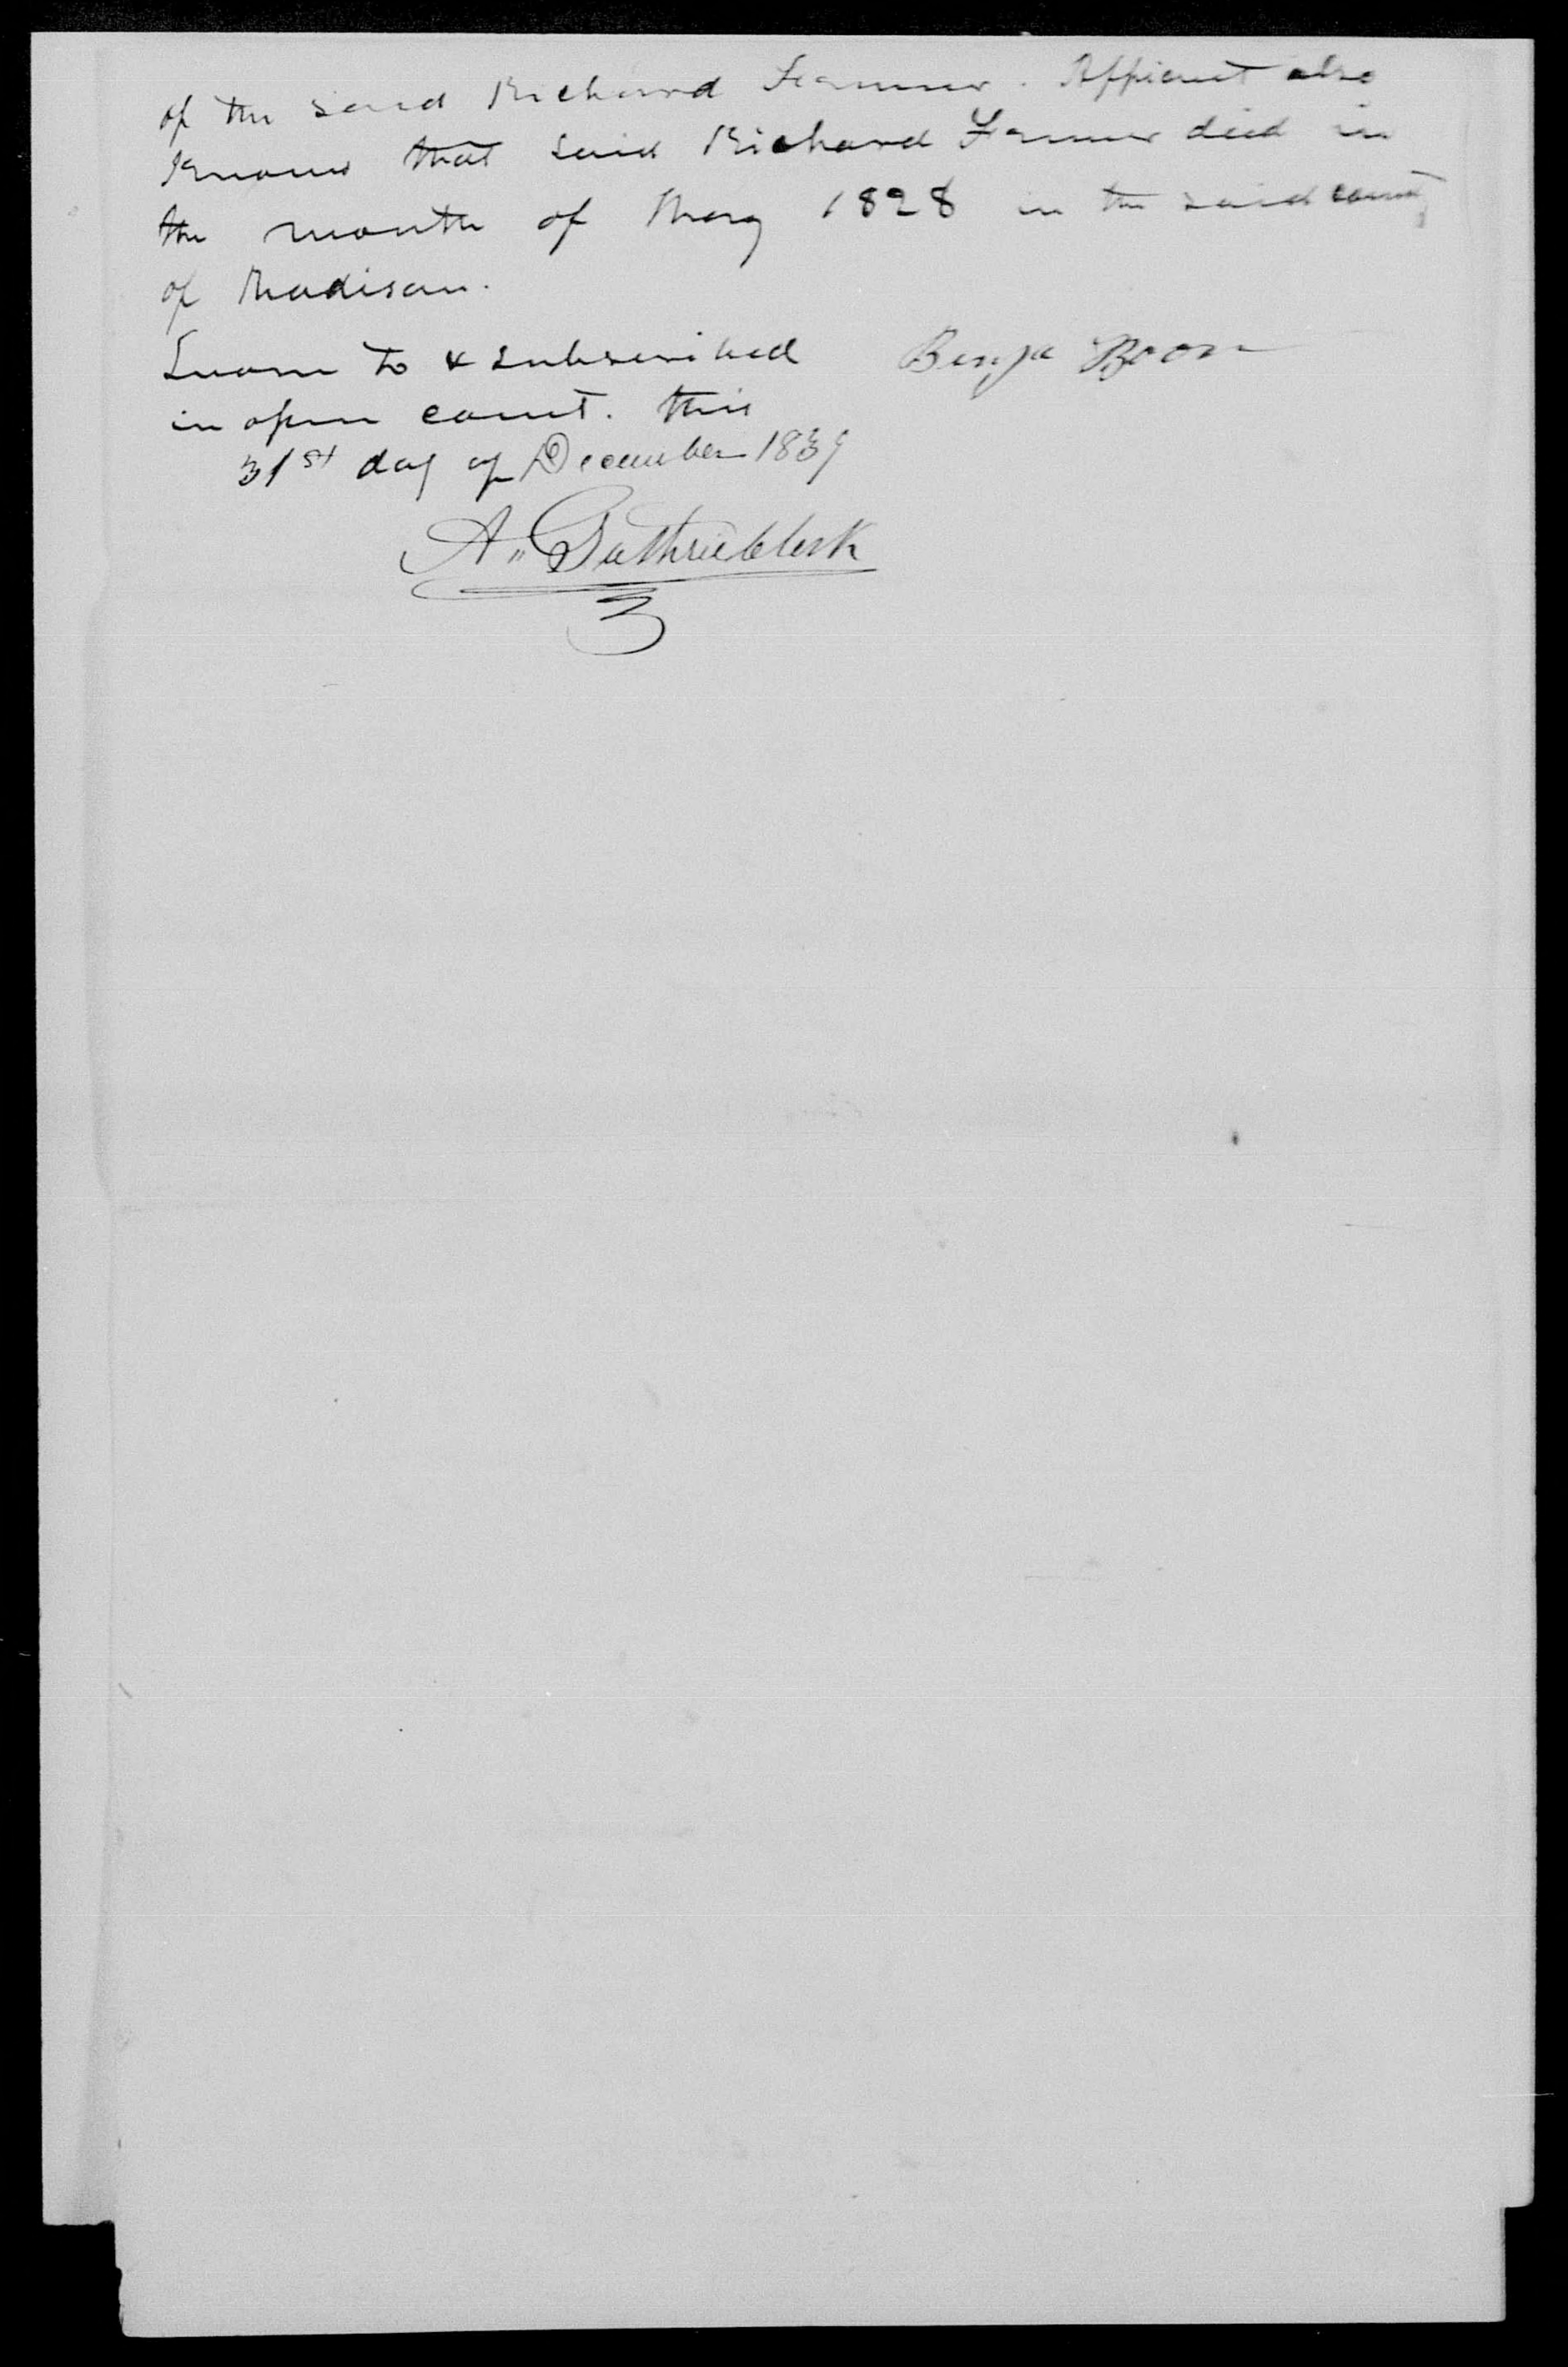of the said Richard Fenner.  Affiant also knows that said Richard Fenner died in the month of May 1828 in the said county of Madison.

Benja Boon

Sworn to and Subscribed in open court this 31st Day of December 1839

A. Guthrie Clerk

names: Richard Fenner, Richard Fenner, A Guthrie, Benja Boon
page: 30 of 39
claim: widow's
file: W. 789, Richard Fenner, N.C.